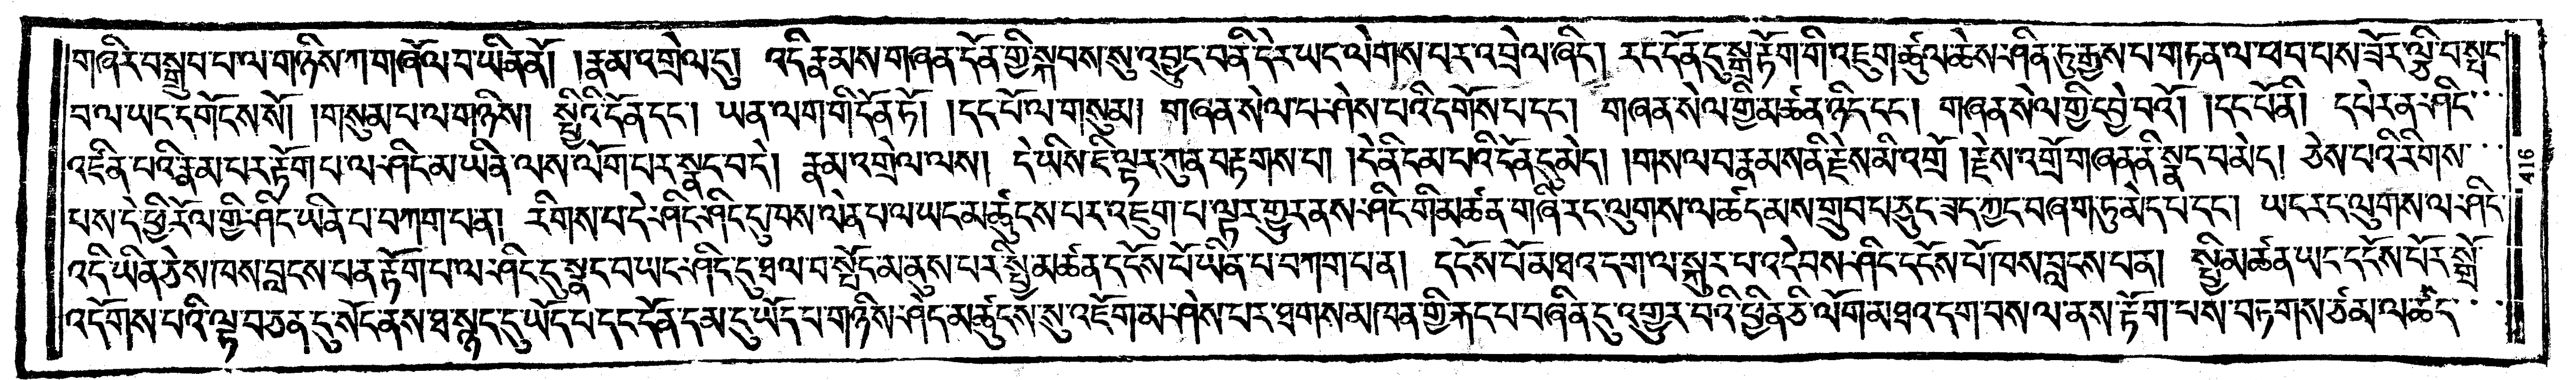གཞིར་བསྒྲུབ་པ་ལ་གཉིས་ཀ་གཞོལ་བ་ཡིན་ནོ། །རྣམ་འགྲེལ་དུ། འདི་རྣམས་གཞན་དོན་གྱི་སྐབས་སུ་འབྱུང་བ་ནི་དེར་ཡང་ལེགས་པར་འབྲེལ་ཞིང་། རང་དོན་དུ་སྒྲ་རྟོག་གི་འཇུག་ཚུལ་ཆེས་ཤིན་ཏུ་རྒྱས་པ་གཏན་ལ་ཕབ་པས་ཟོར་ལྕི་བ་སྤང་
བ་ལ་ཡང་དགོངས་སོ། །གསུམ་པ་ལ་གཉིས། སྤྱིའི་དོན་དང་། ཡན་ལག་གི་དོན་ཏོ། །དང་པོ་ལ་གསུམ། གཞན་སེལ་པ་ཤེས་པའི་དགོས་པ་དང་། གཞན་སེལ་གྱི་མཚན་ཉིད་དང་། གཞན་སེལ་གྱི་དབྱེ་བའོ། །དང་པོ་ནི། དཔེར་ན་ཤིང་
འཛིན་པའི་རྣམ་པར་རྟོག་པ་ལ་ཤིང་མ་ཡིན་ལས་ལོག་པར་སྣང་བ་དེ། རྣམ་འགྲེལ་ལས། དེ་ཡིས་ཇི་ལྟར་ཀུན་བརྟགས་པ། །དེ་ནི་དམ་པའི་དོན་དུ་མེད། །གསལ་བ་རྣམས་ནི་རྗེས་མི་འགྲོ་།རྗེས་འགྲོ་གཞན་ནི་སྣང་བ་མེད། ཅེས་པའི་རིགས་
པས་དེ་ཕྱི་རོལ་གྱི་ཤིང་ཡིན་པ་བཀག་པ་ན། རིགས་པ་དེ་ཤིང་ཤིང་དུ་ཁས་ལེན་པ་ལ་ཡང་མཚུངས་པར་འཇུག་པ་ལྟར་གྱུར་ནས་ཤིང་གི་མཚན་གཞི་རང་ལུགས་ལ་ཚད་མས་གྲུབ་པ་ཅུང་ཟད་ཀྱང་བཞག་ཏུ་མེད་པ་དང་། ཡང་རང་ལུགས་ལ་ཤིང་
འདི་ཡིན་ཅེས་ཁས་བླངས་པ་ན་རྟོག་པ་ལ་ཤིང་དུ་སྣང་བ་ཡང་ཤིང་དུ་ཐལ་བ་སྤོང་མ་ནུས་པར་སྤྱི་མཚན་དངོས་པོ་ཡིན་པ་བཀག་པ་ན། དངོས་པོ་མཐའ་དག་ལ་སྐུར་པ་འདེབས་ཤིང་དངོས་པོ་ཁས་བླངས་པ་ན། སྤྱི་མཚན་ཡང་དངོས་པོར་སྒྲོ་
འདོགས་པའི་ལྟ་བ་ཅན་དུ་སོང་ནས་ཐ་སྙད་དུ་ཡོད་པ་དང་དོན་དམ་དུ་ཡོད་པ་གཉིས་ཤེད་མཚུངས་སུ་འཇོག་མ་ཤེས་པར་ཐགས་མཁན་གྱི་རྐང་པ་བཞིན་དུ་འགྱུར་བའི་ཕྱིན་ཅི་ལོག་མཐའ་དག་བསལ་ནས་རྟོག་པས་བཏགས་ཙམ་ལ་ཚད་